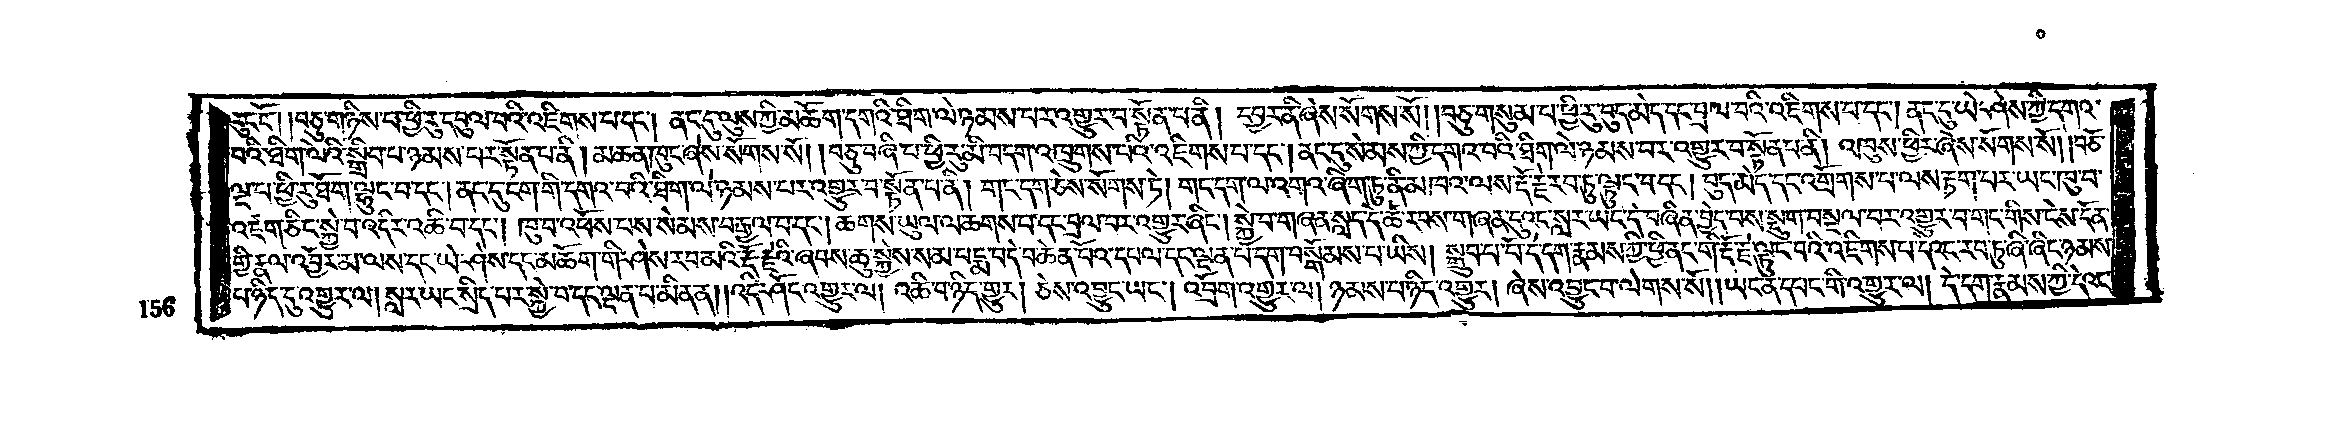རུང་ངོ། །བཅུ་གཉིས་པ་ཕྱི་རུ་དབུལ་བའི་འཇིགས་པ་དང་།ནང་དུ་ལུས་ཀྱི་མཆོག་དགའི་ཐིག་ལེ་ཉམས་པར་འགྱུར་བ་སྟོན་པ་ནི། དབྱར་ནི་ཞེས་སོགས་སོ། །བཅུ་གསུམ་པ་ཕྱི་རུ་བུད་མེད་དང་བྲལ་བའི་འཇིགས་པ་དང་།ནང་དུ་ཡེ་ཤེས་ཀྱི་དགའ་
བའི་ཐིག་ལེའི་སྒྲིབ་པ་ཉམས་པར་སྟོན་པ་ནི། མཚན་ཁུང་ཞེས་སོགས་སོ། །བཅུ་བཞི་པ་ཕྱི་རུ་མི་བདག་འཁྲུགས་པའི་འཇིགས་པ་དང་།ནང་དུ་སེམས་ཀྱི་དགའ་བའི་ཐིག་ལེ་ཉམས་པར་འགྱུར་བ་སྟོན་པ་ནི། འཁུས་ཕྱིར་ཞེས་སོགས་སོ། །བཅོ་
ལྔ་པ་ཕྱི་རི་ཐོག་ལྷུང་བ་དང་།ནང་དུ་ངག་གི་དགའ་བའི་ཐིག་ལེ་ཉམས་པར་འགྱུར་བ་སྟོན་པ་ནི། གང་དག་ཅེས་སོགས་ཏེ། གང་དག་ལ་འགའ་ཞིག་ཏུ་ནི་མཁའ་ལས་རྡོ་རྗེ་རབ་ཏུ་ལྟུང་བ་དང་།བུད་མེད་དང་འགྲོགས་པ་ལས་རྟག་པར་ཡང་ཁུ་བ་
འཛག་ཅིང་སྐྱེ་བ་འདིར་འཆི་བ་དང་།ཁུ་བ་འཕོས་པས་སེམས་བརྒྱལ་བ་དང་།ཆགས་ཡུལ་ལ་ཆགས་པ་དང་བྲལ་བར་འགྱུར་ཞིང་། སྐྱེ་བ་གཞན་སླད་དེ་ཚེ་རབས་གཞན་དུའང་སླར་ཡང་དེ་བཞིན་བྱེད་པས་སྡུག་བསྔལ་བར་འགྱུར་བ་གང་གིས་ངེས་དོན་
གྱི་རྣལ་འབྱོར་མ་ལས་དང་ཡེ་ཤེས་དང་མཆོག་གི་ཤེས་རབ་མའི་རྡོ་རྗེའི་ཞབས་ཆུ་སྐྱེས་སམ་པདམ་བདེ་བ་ཆེན་པོའི་དཔལ་དང་ལྡན་པ་དག་བསྒོམས་པ་ཡིས། སྒྲུབ་པ་པོ་དེ་དག་རྣམས་ཀྱི་ཕྱི་ནང་གི་རྡོ་རྗེ་ལྟུང་བའི་འཇིགས་པ་དེའང་རབ་ཏུ་ཞི་ཞིང་ཉམས་
པ་ཉིད་དུ་འགྱུར་ལ། སླར་ཡང་སྲིད་པར་སྐྱེ་བ་དང་ལྡན་པ་མིན་ན། འདི་ཤོང་འགྱུར་ལ། འཆི་བ་ཉིད་གྱུར། ཅེས་འབྱུང་ཡང་། འབྲོག་འགྱུར་ལ། ཉམས་པ་ཉིད་འགྱུར། ཞེས་འབྱུང་བ་ལེགས་སོ། །ཡང་ན་དཔང་གི་འགྱུར་ལ། དེ་དག་རྣམས་ཀྱི་དེའང་